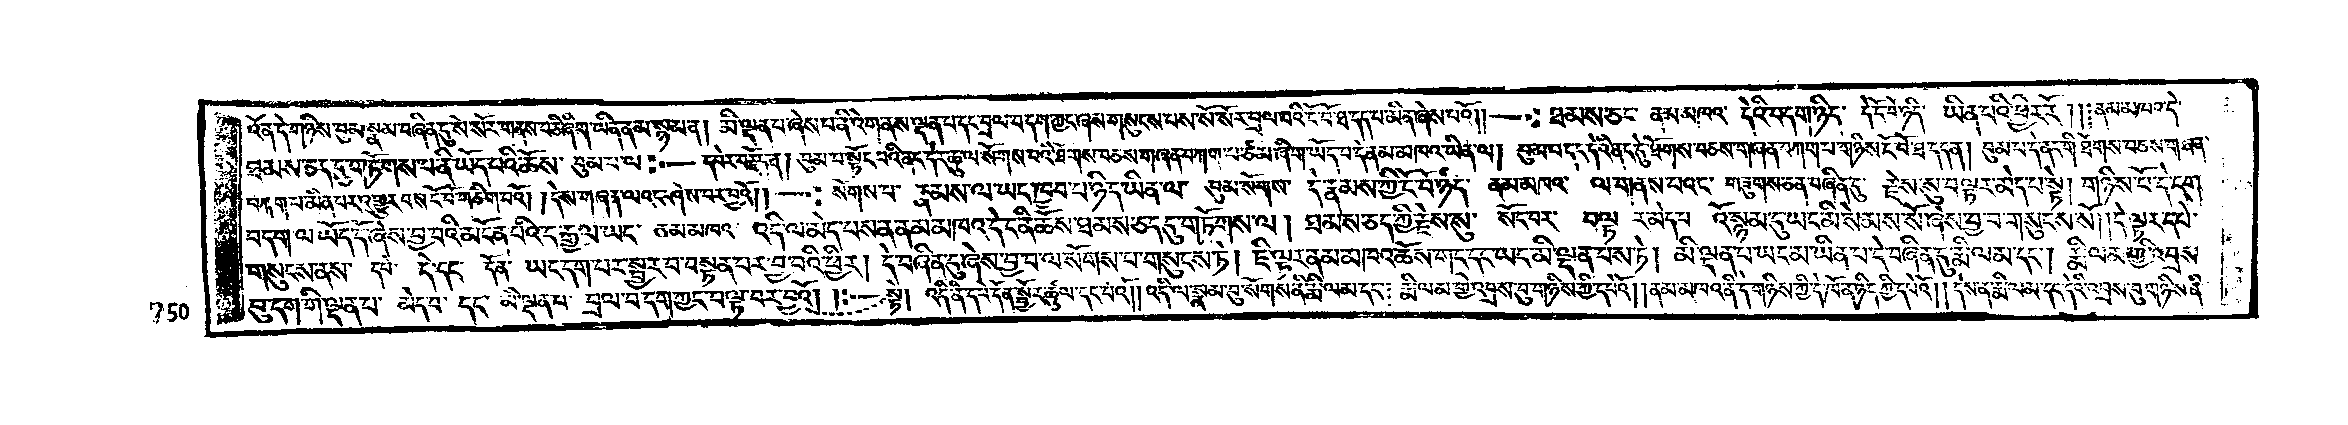འོ་ན་དེ་གཉིས་བུམ་སྣམ་བཞིན་དུ་སོ་སོར་གནས་པ་ཅི་ཞིག་ཡིན་ནམ་སྙམ་ན། མི་ལྡན་པ་ཞེས་པ་ནི་འོག་ནས་ལྡན་པ་དང་བྲལ་བ་དག་ཀྱང་ཞེས་གསུངས་པས་སོ་སོར་བྲལ་བའི་ངོ་བོ་ཐ་དད་པ་མིན་ཞེས་པའོ།། .H ཐམས་ཅད་ནམ་མཁའ་དེའི་བདག་ཉིད་དེ་ངོ་བོ་ཉིད་ཡིན་པའི་ཕྱིར་རོ། ། ནམ་མཁའ་དེ
ཐམས་ཅད་དུ་གཏོགས་པ་ནི་ཡོད་པའི་ཆོས་བུམ་པ་ལ་H.་དཔེར་བརྗོད་ན། བུམ་པ་སྟོང་པའི་ནང་དེར་ཆུ་ལ་སོགས་པའི་ཐོགས་བཅས་གཞན་བཀག་པ་ཙམ་ཞིག་ཡོད་པ་དེ་ནམ་མཁའ་ཡིན་ལ། བུམ་པ་དང་དེའི་ནང་དུ་ཐོགས་བཅས་གཞན་བཀག་པ་གཉིས་ངོ་བོ་ཐ་དད་ན་བུམ་པ་དེ་ནང་གི་ཐོགས་བཅས་གཞན་
བཀག་པ་མིན་པར་འགྱུར་བས་ངོ་བོ་གཅིག་པའོ། །དེས་གཞན་ལའང་ཤེས་པར་བྱའོ། །.H སོགས་པ་རྣམས་ལ་ཡང་ཁྱབ་པ་ཉིད་ཡིན་ལ་བུམ་སོགས་དེ་རྣམས་ཀྱི་ངོ་བོ་ཉིད་ནམ་མཁའ་ལ་གནས་པའང་གཟུགས་ཅན་བཞིན་དུ་རྗེས་སུ་བལྟར་མེད་པ་སྟེ། གཉིས་པོ་དེ་དག་
བདག་ལ་ཡོད་དོ་ཞེས་བྱ་བའི་མངོན་པའི་ང་རྒྱལ་ཡང་ནམ་མཁའ་འདི་ལ་མེད་པས་ན་ནམ་མཁའ་དེ་ད་ནི་ཆོས་ཐམས་ཅད་དུ་གཏོགས་ལ། ཐམས་ཅད་ཀྱི་རྗེས་སུ་སོང་བར་བལྟར་མེད་པའོ་སྙམ་དུ་ཡང་མི་སྨེས་སོ་ཞེས་བྱ་བ་གསུངས་སོ། །དེ་ལྟར་དཔེ་
གསུངས་ནས་དཔེ་དེ་དང་དོན་ཡང་དག་པར་སྦྱར་བ་བསྟན་པར་བྱ་བའི་ཕྱིར། དེ་བཞིན་དུ་ཞེས་བྱ་བ་ལ་སོགས་པ་གསུངས་ཏེ། ཇི་ལྟར་ནམ་མཁའ་ཆོས་གང་དང་ཡང་མི་ལྡན་པས་ཏེ། མི་ལྡན་པ་ཡང་མ་ཡིན་པ་དེ་བཞིན་དུ་རིམ་ལམ་དང་། རྨི་ལམ་གྱི་འབྲས་
བུ་དག་གི་ལྡན་པ་མེད་པ་དང་མི་ལྡན་པ་བྲལ་བ་དག་ཀྱང་བལྟ་བར་བྱའོ། ། H.་སྟེ། འདི་ནི་དཔེ་དོན་སྦྱོར་ཚུལ་དང་པའོ། །འདི་ལ་སྣམ་བུ་སོགས་ནི་རྨི་ལམ་དང་། རྨི་ལམ་གྱི་འབྲས་བུ་གཉིས་ཀྱི་དཔེའོ། །ནམ་མཁའ་ནི་དེ་གཉིས་ཀྱི་དེ་ཁོ་ན་ཉིད་ཀྱི་དཔེའོ། །དེས་ན་རྨི་ལམ་དང་དེའི་འབྲས་བུ་གཉིས་ནི་